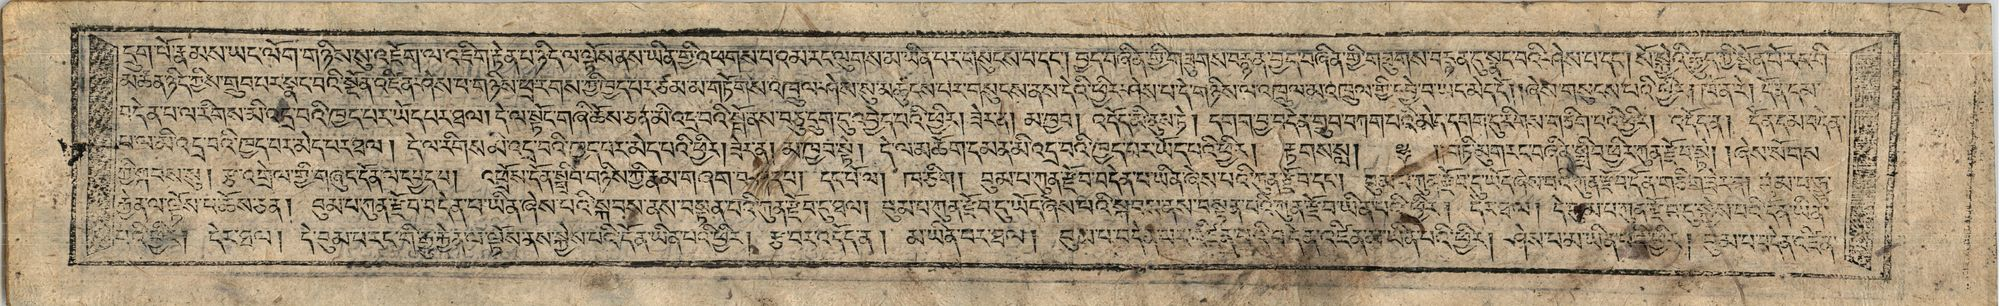དྲུག་པོ་རྣམས་ཡང་ལོག་གཉིས་སུ་འཇོག་ལ་འཇིག་རྟེན་པ་ཉིད་ལ་ལྟོས་ནས་ཡིན་གྱི་འཕགས་པ་འམ་རང་ལུགས་མ་ཡིན་པར་གསུངས་པ་དང་། བྱད་བཞིན་གྱི་གཟུགས་བརྙན་བྱད་བཞིན་གྱི་གཟུགས་བརྙན་དུ་སྣང་བའི་ཤེས་པ་དང་། སོ་སྐྱེའི་རྒྱུད་ཀྱི་སྔོན་པོ་རང་གི་
མཚན་ཉིད་ཀྱིས་གྲུབ་པར་སྣང་བའི་སྔོན་འཛིན་ཤེས་པ་གཉིས་ཕྲ་རགས་ཀྱི་ཁྱད་པར་ཙམ་མ་གཏོགས་འཁྲུལ་ཤེས་སུ་མཚངྶྤར་གསུངས་ནས་དེའི་ཕྱིར་ཤེས་པ་དེ་གཉིས་ལ་འཁྲུལ་མ་འཁྲུལ་གྱི་དབྱེ་བ་ཡང་མེད་དོ། །ཞེས་གསུངས་པའི་ཕྱིར། ཁོ་ན་རེ། དོན་དམ་
བདེན་པ་ལ་རིགས་མི་འདྲ་བའི་ཁྱད་པར་ཡོད་པར་ཐལ། དེ་ལ་སྟོང་གཞི་ཆོས་ཅན་མི་འདྲ་བའི་སྒོ་ནས་བཅུ་དྲུག་དུ་འབྱེད་པའི་ཕྱིར། ཟེར་ན། མ་ཁྱབ། འདོད་མི་ནུས་ཏེ། དགག་བྱ་བདེན་གྲུབ་བཀག་པའི་མེད་དགག་དུ་རིགས་གཅིག་པའི་ཕྱིར། འདོད་ན། དོན་དམ་བདེན་
པ་ལ་མི་འདྲ་བའི་ཁྱད་པར་མེད་པར་ཐལ། དེ་ལ་རིགས་མི་འདྲ་བའི་ཁྱད་པར་མེད་པའི་ཕྱིར། ཟེར་ན། མ་ཁྱབ་སྟེ། དེ་ལ་མཆོག་དམན་མི་འདྲ་བའི་ཁྱད་པར་ཡོད་པའི་ཕྱིར། རྟགས་སླ། ༈ །།གཏི་མུག་རང་བཞིན་སྒྲིབ་ཕྱིར་ཀུན་རྫོབ་སྟེ། །ཞེས་སོགས་
ཀྱི་སྐབས་སུ། རྩ་འགྲེལ་གྱི་གཞུང་དོན་ལ་དཔྱད་པ། འཕྲོས་དོན་སྒྲིབ་གཉིས་ཀྱི་རྣམ་གཞག་བཤད་པ། དང་པོ་ལ། ཁ་ཅིག །བུམ་པ་ཀུན་རྫོབ་བདེན་པ་ཡིན་ཞེས་པའི་ཀུན་རྫོབ་དང་། བུམ་པ་ཀུན་རྫོབ་དུ་ཡོད་ཞེས་པའི་ཀུན་རྫོབ་དོན་གཅིག་ཟེར་ན། བུམ་པ་རྒྱུ་
རྐྱེན་ལ་ལྟོས་པ་ཆོས་ཅན། བུམ་པ་ཀུན་རྫོབ་བདེན་པ་ཡིན་ཞེས་པའི་སྐབས་ནས་བསྟན་པའི་ཀུན་རྫོབ་དུ་ཐལ། བུམ་པ་ཀུན་རྫོབ་དུ་ཡོད་ཞེས་པའི་སྐབས་ནས་བསྟན་པའི་ཀུན་རྫོབ་ཡིན་པའི་ཕྱིར། དེར་ཐལ། དེ་བུམ་པ་ཀུན་རྫོབ་དུ་སྐྱེས་པའི་དོན་ཡིན་
པའི་ཕྱིར། དེར་ཐལ། དེ་བུམ་པ་རང་གི་རྒྱུ་རྐྱེན་ལ་ལྟོས་ནས་སྐྱེས་པའི་དོན་ཡིན་པའི་ཕྱིར། རྩ་བར་འདོད་ན། མ་ཡིན་པར་ཐལ། བུམ་པ་བདེན་པར་འཛིན་པའི་བདེན་འཛིན་མ་ཡིན་པའི་ཕྱིར། ཤེས་པ་མ་ཡིན་པའི་ཕྱིར། བུམ་པ་བདེན་འཛིན་